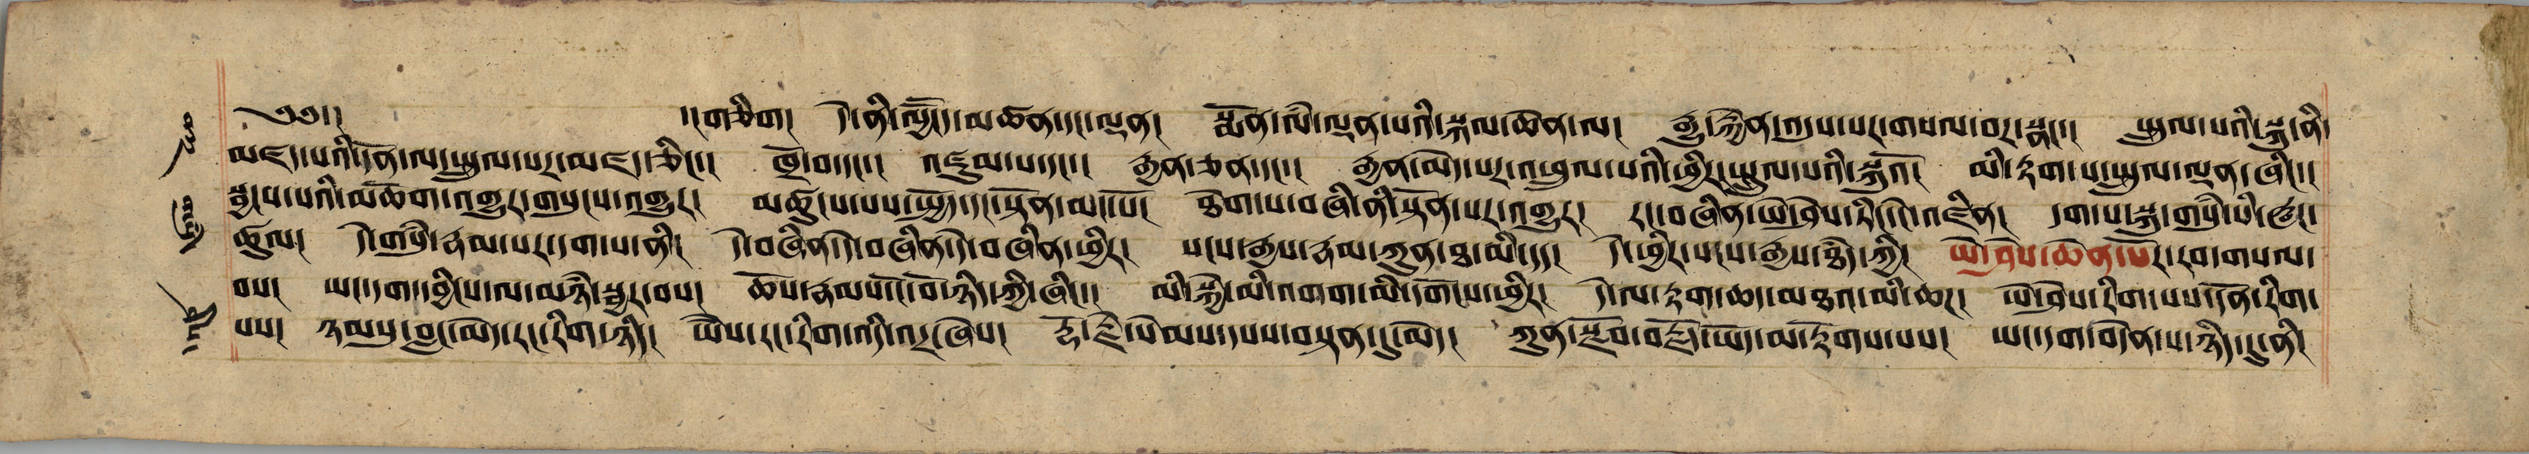༄༅་། ད།གཅིག། དེ་ནི་ལྱཽངད་མཚན་དང་ལྡན། སྨོན་ལཾ་ལྡན་པའི་སྐལ་ཆེན་ལ། རྒྱུ་རྐྱེན་འདུས་པར་གསལ་བར་སྣང་། སྤྲུལ་པའི་སྐུ་ནི་
མཛད་པའི་དོན་ལ་སྤྲུལ་པར་མཛད་ཅིང་། ཁྲོ་བ་དང་། འཛུམ་པ་དང་། རྒྱན་ཅན་དང་། རྒྱན་མེད་པར་འཕྲུལ་པའི་ཕྱིར་སྤྲུལ་པའི་སྐུའོ། མི་རྟག་པ་སྤྲུལ་ལྡན་ཞིང་།
སྦྱངས་པའི་མཆོག་འགྱུར་གསུངས་འགྱུར། མཚུངས་པས་སྤྱོད་དང་སྟོན་མང་པོ། ཐེག་པ་བཞི་ནི་སྟོན་པར་འགྱུར། རང་བཞིན་ཡེ་ཤེས་ཏིང་ངེ་འཛིན། དག་པ་སྐུ་གསུཾ་པི་ཝང་
ཚུལ། དེ་གསུཾ་རྣམ་པར་དག་པ་ནི། དེ་བཞིན་དེ་བཞིན་དེ་བཞིན་ཕྱིར། སངས་རྒྱས་རྣམ་ཀུན་ཐ་མི་དད། དེ་ཕྱིར་སངས་རྒྱས་ཐཾད་ཀྱི། ཡེ་ཤེས་ཆེན་པར་རབ་གསལ་
བས། ཡང་དག་དབྱིངས་ལ་མཉཾ་སྦྱར་བས། ཆོས་རྣམས་ངོ་བོ་ཉིད་ཀྱི་ཞིང་། མི་སྐྱེ་མི་འགག་མི་དགོངས་ཕྱིར། དེ་ལ་རྟག་ཆད་མཐའ་མི་ཆཌ། ཡེ་ཤེས་རིག་པས་དོན་རིག་
པས། ཉམསུ་བླང་མེད་རང་རིག་ཉིད། ཡཻས་རང་རིག་འདི་འདྲ་ཞེས། རྡོ་རྗེ་སེམས་དཔས་བསྟན་དུ་མེད། ཀུན་སྫོབ་བརྗོད་ཡོད་མ་རྟོགས་པས། ཡང་དག་བདེན་པ་ཉིད་དུ་ནི།